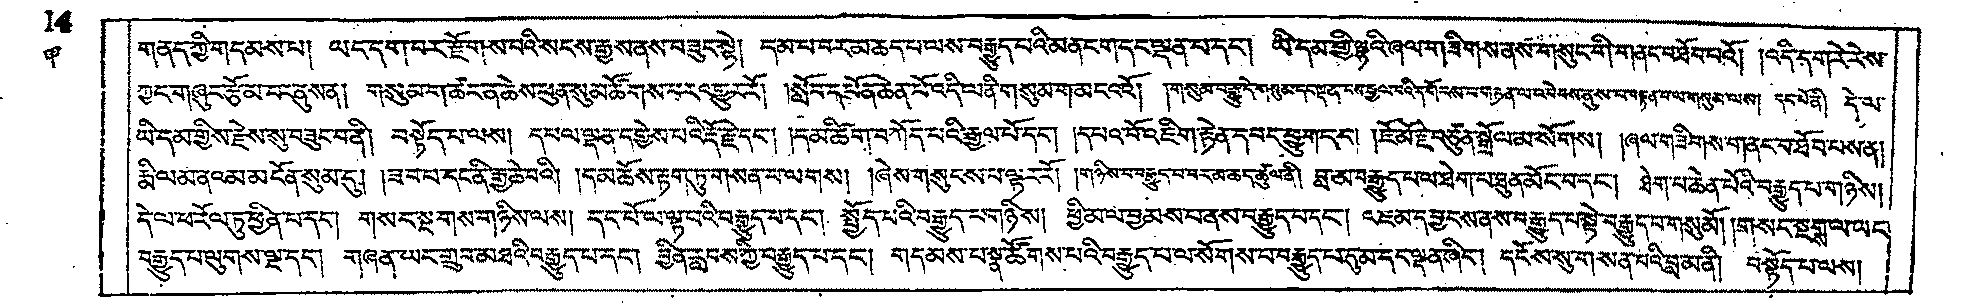གནད་ཀྱི་གདམས་པ། ཡང་དག་པར་རྫོགས་པའི་སངས་རྒྱས་ནས་བཟུང་སྟེ། དམ་པ་བར་མ་ཆད་པ་ལས་བརྒྱུད་པའི་མན་ངག་དང་ལྡན་པ་དང་། ཡི་དམ་གྱི་ལྷའི་ཞལ་གཟིགས་ནས་གསུང་གི་གནང་བ་ཐོབ་པའོ། །འདི་དག་རེ་རེས་
ཀྱང་གཞུང་རྩོམ་པར་ནུས་ན། གསུམ་ག་ཚང་ན་ཆེས་ཕུན་སུམ་ཚོགས་པར་འགྱུར་རོ། །སློབ་དཔོན་ཆེན་པོ་འདི་ལ་ནི་གསུམ་ག་མངའ་འོ། །གསུམ་པ་རྒྱུ་དེ་གསུམ་དང་ལྡན་པས་རྒྱལ་བའི་དགོངས་པ་གཏན་ལ་འབེབས་ནུས་པ་བསྟན་པ་ལ་གསུམ་ལས། དང་པོ་ནི།  དེ་ལ་
ཡི་དམ་གྱིས་རྗེས་སུ་བཟུང་བ་ནི། བསྟོད་པ་ལས། དཔལ་ལྡན་དགྱེས་པའི་རྡོ་རྗེ་དང་། །དམ་ཚིག་བཀོད་པའི་རྒྱལ་པོ་དང་། །དཔའ་བོ་འཇིག་རྟེན་དབང་ཕྱུག་དང་། །ཇོ་མོ་རྗེ་བཙུན་སྒྲོལ་མ་སོགས། །ཞལ་གཟིགས་གནང་བ་ཐོབ་པས་ན།
རྨི་ལམ་ནའམ་མངོན་སུམ་དུ། །ཟབ་པ་དང་ནི་རྒྱ་ཆེ་བའི། །དམ་ཆོས་རྟག་ཏུ་གསན་པ་ལགས། །ཞེས་གསུངས་པ་ལྟར་རོ། །གཉིས་པ་བརྒྱུད་པ་བར་མ་ཆད་ཚུལ་ནི།  བླ་མ་བརྒྱུད་པ་ལ་ཐེག་པ་ཐུན་མོང་བ་དང་། ཐེག་པ་ཆེན་པོའི་བརྒྱུད་པ་གཉིས།
དེ་ལ་ཕ་རོལ་ཏུ་ཕྱིན་པ་དང་། གསང་སྔགས་གཉིས་ལས། དང་པོ་ལ་ལྟ་བའི་བརྒྱུད་པ་དང་། སྤྱོད་པའི་བརྒྱུད་པ་གཉིས། ཕྱི་མ་ལ་བྱམས་པ་ནས་བརྒྱུད་པ་དང་། འཇམ་དབྱངས་ནས་བརྒྱུད་པ་སྟེ་བརྒྱུད་པ་གསུམོ། །གསང་སྔགས་ལ་ཡང་
བརྒྱུད་པ་ལུགས་ལྔ་དང་། གཞན་ཡང་གྲུབ་མཐའི་བརྒྱུད་པ་དང་། བྱིན་རླབས་ཀྱི་བརྒྱུད་པ་དང་། གདམས་པ་སྣ་ཚོགས་པའི་བརྒྱུད་པ་ལ་སོགས་པ་བརྒྱུད་པ་དུ་མ་དང་ལྡན་ཞིང་། དངོས་སུ་གསན་པའི་བླ་མ་ནི། བསྟོད་པ་ལས།